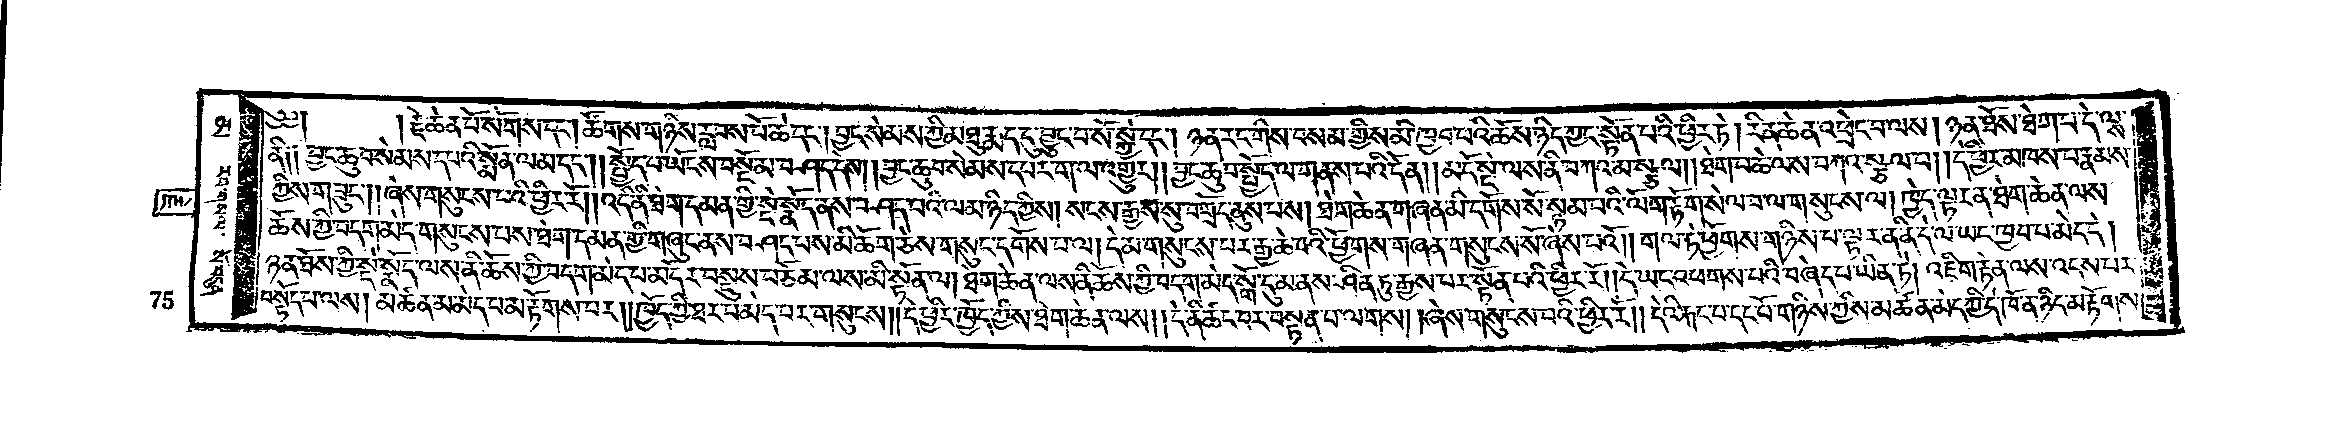༄༅། །རྗེ་ཆེན་པོ་སོགས་དང་། ཚོགས་གཉིས་རླབས་པོ་ཆེ་དང་། བྱང་སེམས་ཀྱི་མཐུ་རྨད་དུ་བྱུང་བ་སོ་སྐྱེ་དང་། ཉན་རང་གིས་བསམ་གྱིས་མི་ཁྱབ་པའི་ཆོས་ཉིད་ཀྱང་སྟོན་པའི་ཕྱིར་ཏེ། རིན་ཆེན་འཕྲེང་བ་ལས། ཉན་ཐོས་ཐེག་པ་དེ་ལས་
ནི། །བྱང་ཆུབ་སེམས་དཔའི་སྨོན་ལམ་དང་། །སྤྱོད་པ་ཡོངས་བསྔོ་མ་བཤད་དེས། །བྱང་ཆུབ་སེམས་དཔར་ག་ལ་འགྱུར། །བྱང་ཆུབ་སྤྱོད་ལ་གནས་པའི་དོན། །མདོ་སྡེ་ལས་ནི་བཀའ་མ་སྩལ། །ཐེག་པ་ཆེ་ལས་བཀའ་སྩལ་པ། །དེ་ཕྱིར་མཁས་པ་རྣམས་
ཀྱིས་གཟུང་། །ཞེས་གསུངས་པའི་ཕྱིར་རོ། །འདི་ནི་ཐེག་དམན་གྱི་སྡེ་སྣོད་ནས་བཤད་པའི་ལམ་ཉིད་ཀྱིས། སངས་རྒྱས་སུ་བགྲོད་ནུས་པས། ཐེག་ཆེན་གཞན་མི་དགོས་སོ་སྙམ་པའི་ལོག་རྟོག་སེལ་བ་ལ་གསུངས་ལ། ཁྱེད་ལྟར་ན་ཐེག་ཆེན་ལས་
ཆོས་ཀྱི་བདག་མེད་གསུངས་པས་ཐེག་དམན་གྱི་གཞུང་ནས་བཤད་པས་མི་ཆོག་ཅེས་གསུང་དགོས་པ་ལ། དེ་མ་གསུངས་པར་རྒྱ་ཆེ་བའི་ཕྱོགས་གཞན་གསུངས་སོ་ཞེས་པའོ། །གལ་ཏེ་ཕྱོགས་གཉིས་པ་ལྟར་ན་ནི་དེ་ལ་ཡང་ཁྱབ་པ་མེད་དེ།
ཉན་ཐོས་ཀྱི་སྡེ་སྣོད་ལས་ནི་ཆོས་ཀྱི་བདག་མེད་པ་མདོར་བསྡུས་པ་ཙམ་ལས་མི་སྟོན་ལ། ཐེག་ཆེན་ལས་ནི་ཆོས་ཀྱི་བདག་མེད་སྒོ་དུ་མ་ནས་ཤིན་ཏུ་རྒྱས་པར་སྟོན་པའི་ཕྱིར་རོ། །དེ་ཡང་འཕགས་པའི་བཞེད་པ་ཡིན་ཏེ། འཇིག་རྟེན་ལས་འདས་པར་
བསྟོད་པ་ལས། མཚན་མ་མེད་པ་མ་རྟོགས་པར། །ཁྱོད་ཀྱི་ཐར་པ་མེད་པར་གསུངས། །དེ་ཕྱིར་ཁྱོད་ཀྱིས་ཐེག་ཆེན་ལས། །དེ་ནི་ཚང་བར་བསྟན་པ་ལགས། །ཞེས་གསུངས་པའི་ཕྱིར་རོ། །དེའི་རྐང་བ་དང་པོ་གཉིས་ཀྱིས་མཚན་མེད་ཀྱི་དེ་ཁོ་ན་ཉིད་མ་རྟོགས་